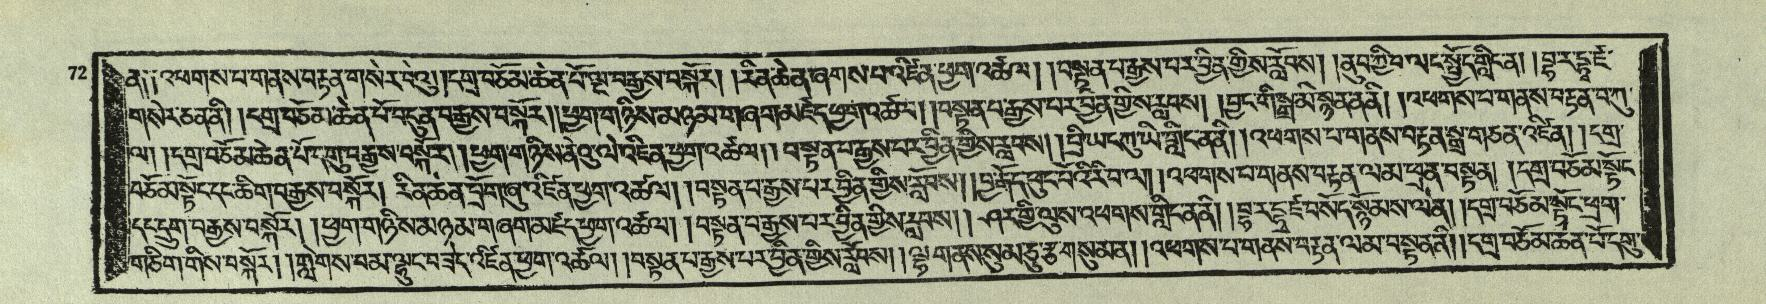ན༑ ༑འཕགས་པ་གནས་བརྟན་གསེར་བེའུ། །དགྲ་བཅོམ་ཆེན་པོ་ལྔ་བརྒྱས་བསྐོར། །རིན་ཆེན་ཞགས་པ་འཛིན་ཕྱག་འཚལ། །བསྟན་པ་རྒྱས་པར་བྱིན་གྱིས་རློབས། །ནུབ་ཀྱི་བ་ལང་སྤྱོད་གླིང་ན། །བྷ་ར་དྷྭ་ཛ་
གསེར་ཅན་ནི། །དགྲ་བཅོམ་ཆེན་པོ་བདུན་བརྒྱས་བསྐོར། །ཕྱག་གཉིས་མཉམ་གཞག་མཛད་ཕྱག་འཚལ། །བསྟན་པ་རྒྱས་པར་བྱིན་གྱིས་རླབས། །བྱང་གི་སྒྲ་མི་སྙན་ན་ནི། །འཕགས་པ་གནས་བརྟན་བ་ཀུ་
ལ། །དགྲ་བཅོམ་ཆེན་པོ་དགུ་བརྒྱས་བསྐོར། །ཕྱག་གཉིས་ནེའུ་ལེ་འཇིན་ཕྱག་འཚལ། །བསྟན་པ་རྒྱས་པར་བྱིན་གྱིས་རླབས། །བྲི་ཡང་ཀུ་ཡི་གླིང་ན་ནི། །འཕགས་པ་གནས་བརྟན་སྒྲ་གཅན་འཛིན། །དགྲ་
བཅོམ་སྟོང་དང་ཆིག་བརྒྱས་བསྐོར། རིན་ཆེན་བྲོག་ཞུ་འཛིན་ཕྱག་འཚལ། །བསྟན་པ་རྒྱས་པར་བྱིན་གྱིས་རློབས། །བྱ་རྒོད་ཕུང་པོའི་རི་བ་ལ། །འཕགས་པ་གནས་བརྟན་ལམ་ཕྲན་བསྟན། །དགྲ་བཅོམ་སྟོང་
དང་དྲུག་བརྒྱས་བསྐོར། །ཕྱག་གཉིས་མཉམ་གཞག་མཛད་ཕྱག་འཚལ། །བསྟན་པ་རྒྱས་པར་བྱིན་གྱིས་རླབས། །ཤར་གྱི་ལུས་འཕགས་གླིང་ན་ནི། །བྷ་ར་དྷྭ་ཛ་བསོད་སྙོམས་ལེན། །དགྲ་བཅོམ་སྟོང་ཕྲག་
གཅིག་གིས་བསྐོར། །གླེགས་བམ་ལྷུང་བཟེད་འཛིན་ཕྱག་འཚལ། །བསྟན་པ་རྒྱས་པར་བྱིན་གྱིས་རློབས། །ལྷ་གནས་སུམ་ཅུ་རྩ་གསུམ་ན། །འཕགས་པ་གནས་བརྟན་ལམ་བསྟན་ནི། །དགྲ་བཅོམ་ཆན་པོ་དགུ་